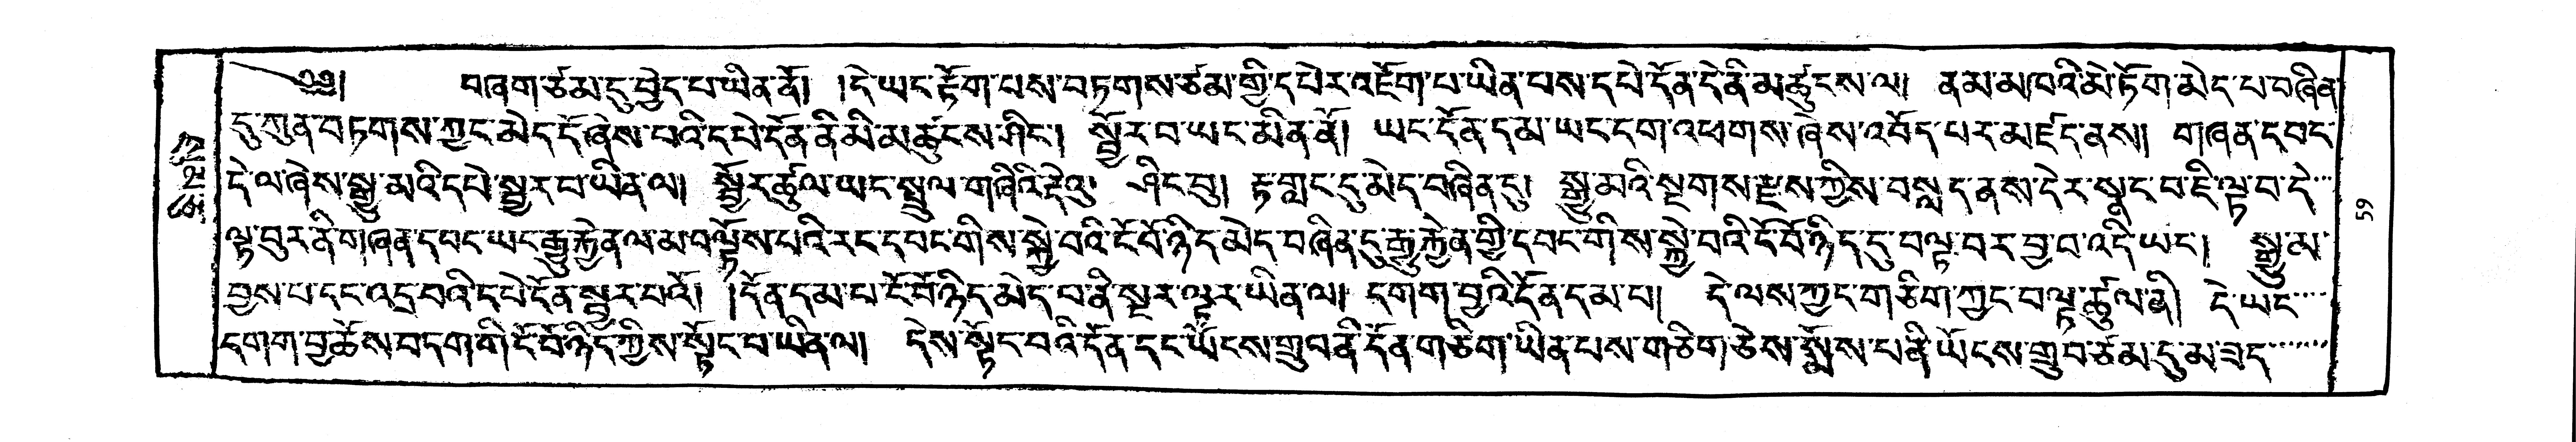༄༅། །བཞག་ཙམ་དུ་བྱེད་པ་ཡིན་ནོ། །དེ་ཡང་རྟོག་པས་བཏགས་ཙམ་གྱི་དཔེར་འཇོག་པ་ཡིན་པས་དཔེ་དོན་དེ་ནི་མཚུངས་ལ། ནམ་མཁའི་མེ་ཏོག་མེད་པ་བཞིན་
དུ་ཀུན་བཏགས་ཀྱང་མེད་དོ་ཞེས་པའི་དཔེ་དོན་ནི་མི་མཚུངས་ཤིང་། སྦྱོར་བ་ཡང་མིན་ནོ། ཡང་དོན་དམ་ཡང་དག་འཕགས་ཞེས་འབོད་པར་མཛད་ནས། གཞན་དབང་
དེ་ལ་ཞེས་སྒྱུ་མའི་དཔེ་སྦྱར་པ་ཡིན་ལ། སྦྱོར་ཚུལ་ཡང་སྤྲུལ་གཞིའི་རྡེའུ་ཤིང་བུ། རྟ་གླང་དུ་མེད་བཞིན་དུ། སྒྱུ་མའི་སྔགས་རྫས་ཀྱིས་བསླད་ནས་དེར་སྣང་བ་ཇི་ལྟ་བ་དེ་
ལྟ་བུར་ནི་གཞན་དབང་ཡང་རྒྱུ་རྐྱེན་ལ་མ་བལྟོས་པའི་རང་དབང་གིས་སྐྱེ་བའི་ངོ་བོ་ཉིད་མེད་བཞིན་དུ་རྒྱུ་རྐྱེན་གྱི་དབང་གིས་སྐྱེ་བའི་ངོ་བོ་ཉིད་དུ་བལྟ་བར་བྱ་བ་འདི་ཡང་། སྒྱུ་མ་
བྱས་པ་དང་འདྲ་བའི་དཔེ་དོན་སྦྱར་པའོ། །དོན་དམ་པ་ངོ་བོ་ཉིད་མེད་པ་ནི་སྔར་ལྟར་ཡིན་ལ། དགག་བྱའི་དོན་དམ་པ། དེ་ལས་ཀྱང་གཅིག་ཀྱང་བལྟ་ཚུལ་ནི། དེ་ཡང་
དགག་བྱ་ཆོས་བདག་གི་ངོ་བོ་ཉིད་ཀྱིས་སྟོང་པ་ཡིན་ལ། དེས་སྟོང་བའི་དོན་དང་ཡོངས་གྲུབ་ནི་དོན་གཅིག་ཡིན་པས་གཅིག་ཅེས་སྨོས་པ་ནི་ཡོངས་གྲུབ་ཙམ་དུ་མ་ཟད་